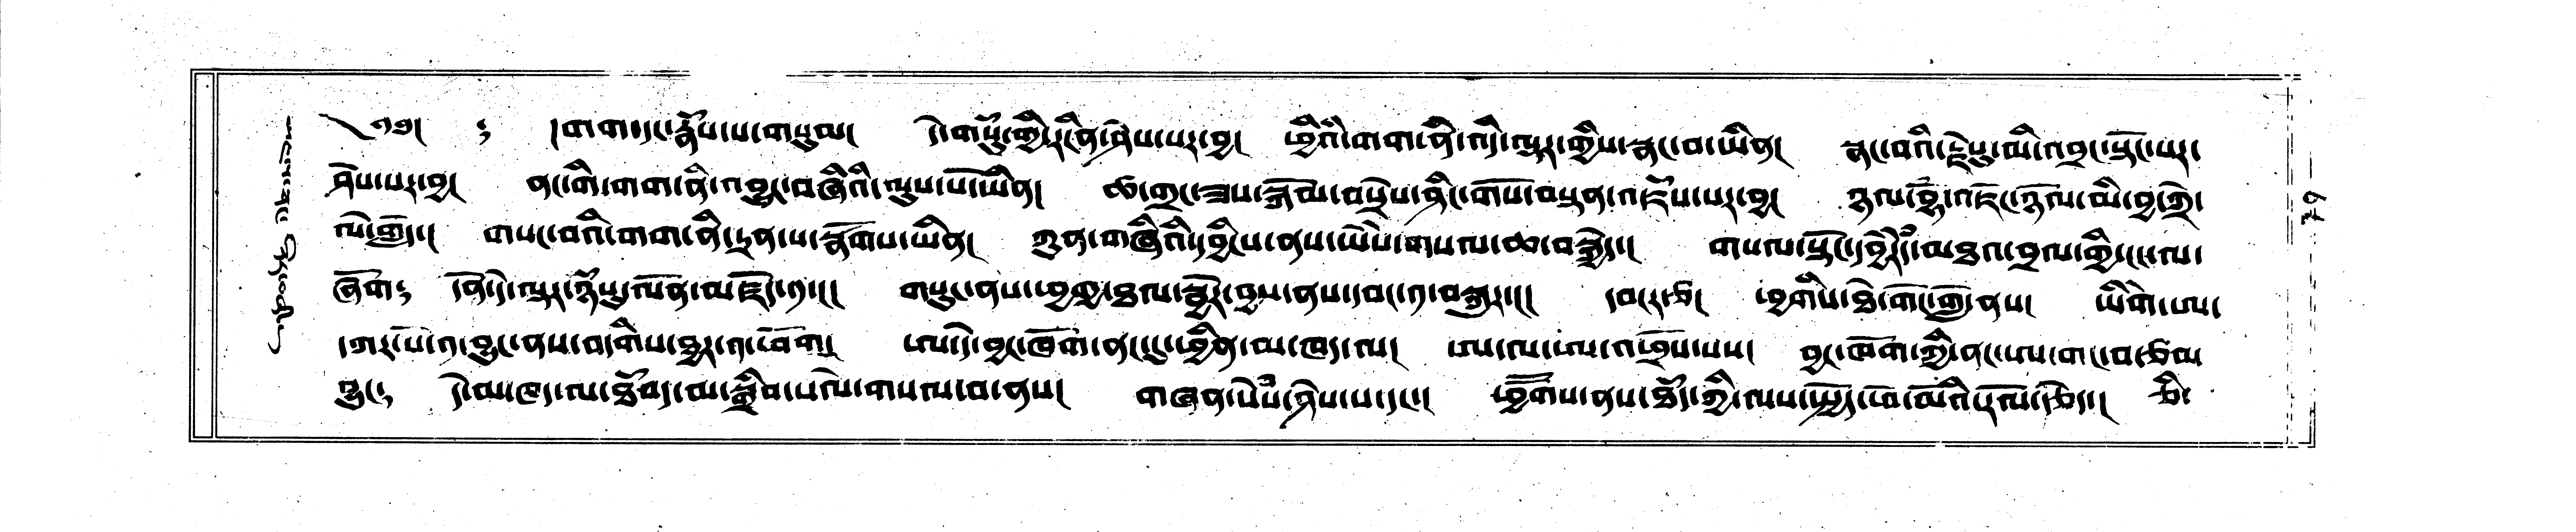གག་དང་རྣམ་པ་གསུམ། དེ་གསུམ་གྱི་རང་བཞིན་ཤེས་པར་བྱ། ཕྱིའི་གག་ནི་འདི་ལྟར་གྱིས་སྣང་བ་ཡིན། སྣང་བའི་རྗེས་སུ་མི་འབྲང་སྟོང་པར་
ཤེས་པར་བྱ། ནང་གི་གག་ནི་འབྱུང་བཞིའི་ལུས་པོ་ཡིན། ཚ་གྲང་ཟས་སྒོམ་བསྲེས་ཤིང་གོས་སྟན་འཇམ་པར་བྱ། ཉལ་སྒོམ་འཛོང་ཉོལ་མི་བྱ་ཀྲེ་
ལེ་གློད། གསང་བའི་གག་ནི་དྲན་པ་སྣ་ཚོགས་ཡིན། ཀུན་གཞིའི་དབྱིངས་ནས་ཡེ་ཤེས་གསལ་ཆ་བསྐྱེད། གསལ་སྟོང་དབྱེར་མེད་མཐའ་བྲལ་གྱི་ངང་ལ་
ཞོག དོན་དེ་ལྟར་ཉམས་སུ་ལོན་མཛོད་ཅིག གསུངས་ནས་ཕྱག་རྒྱ་ཐལ་སྦྱོར་བྱས་ནས་དབང་གཅིག་བསྐུར། དབང་བསྐུར་ཙ། ཕྱག་གིས་ཐེ་གོང་གློ་ནས། ཡི་གེ་ཨ་
དཀར་པོ་གཅིག་བྱུང་ནས་བདག་གིས་ཐུགས་ཁར་གཅིག་ཕོག ཨ་དེ་བྱང་ཁོག་ནང་དུ་ཕྱིན་མ་ཁད་ལ། ཨ་ལ་ཨ་འཕྲོས་པས། བྱང་ཁོག་ཀྱི་ནང་ཨ་གང་བ་ཙམ་
བྱུང་། དེ་ལ་ཁད་ལ་ཐམས་ཅད་མ་སྒྲིབ་སལེ་གསལ་བ་ནས། གཞན་སེམས་ཤེས་པ་དང་། ཕྱོགས་ཕྱོགས་ནས་ཐམས་ཅད་ཀྱི་ལས་སྤྱོད་ཕོ་མོའི་རོལ་རྩེད། ཅི་